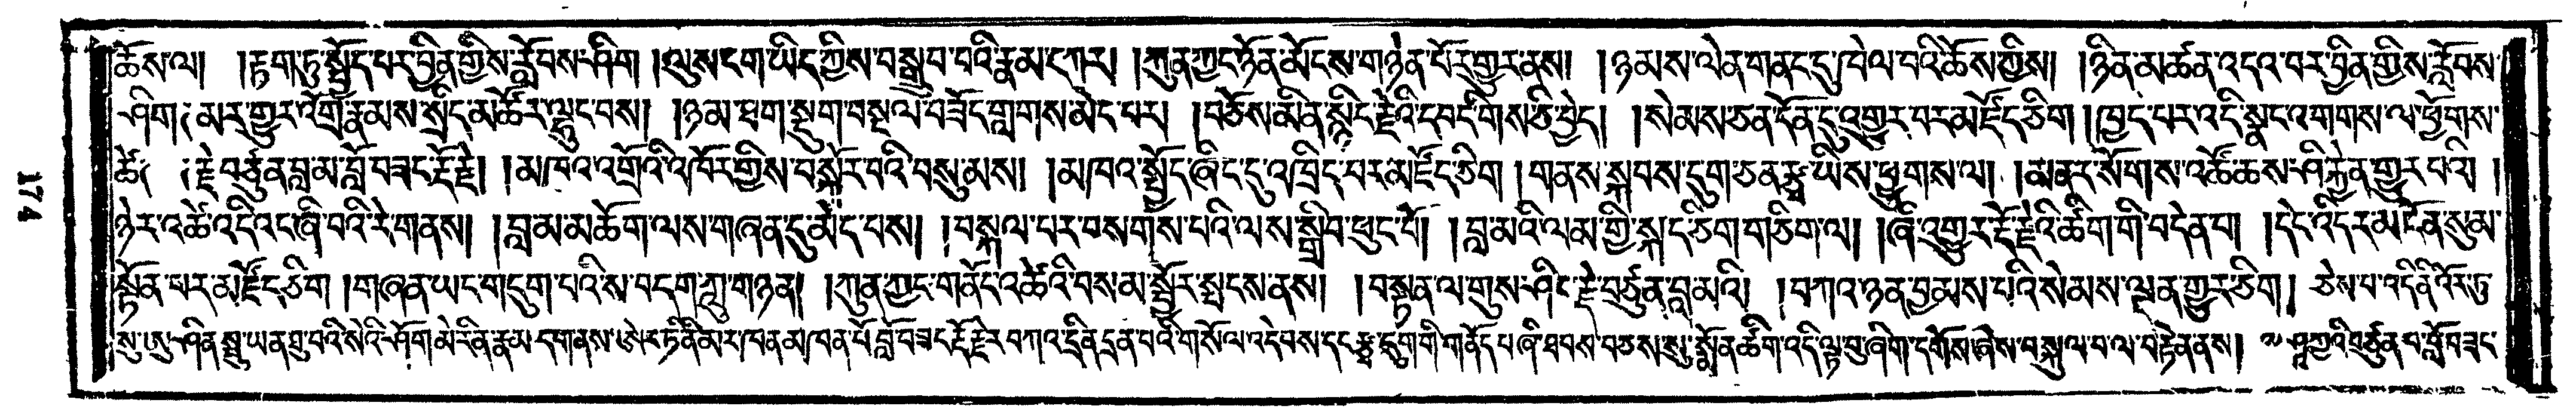ཆོས་ལ། །རྟག་ཏུ་སྦྱོད་པར་བྱིན་གྱིས་རློབས་ཤིག །ལུས་ངག་ཡིད་ཀྱིས་བསྒྲུབ་བའི་རྣམ་དཀར། །ཀུན་ཀྱང་ཉོན་མོངས་གཉེན་པོར་གྱུར་ནས། །ཉམས་ལེན་གནང་དུ་ཁེལ་བའི་ཆོས་ཀྱིས། །ཉིན་མཚན་འདའ་བར་བྱིན་གྱིས་རློབས་
ཤིག༑ མར་གྱུར་འགྲོ་རྣམས་སྲིད་མཚོར་ལྷུང་བས། །ཉམ་ཐག་སྡུག་བསྔལ་བཟོད་གླགས་མེད་པར། །བཅོས་མིན་སྙིང་རྗེའི་དབང་གིས་ཅི་བྱེད། །སེམས་ཅན་དོན་དུ་འགྱུར་བར་མཛོད་ཅིག །ཁྱད་པར་འདི་སྣང་འགགས་ལ་ཕྱོགས་
ཚེ༑ ༑རྗེ་བཙུན་བླ་མ་བློ་བཟང་རྡོ་རྗེ། །མཁའ་འགྲོའི་འཁོར་གྱིས་བསྐོར་བའི་བསུ་མས། །མཁའ་སྤྱོད་ཞིང་དུ་འཁྲིད་པར་མཛོད་ཅིག །གནས་སྐབས་དུག་ཅན་རྩྭ་ཡིས་ཕྱུགས་ལ། །མནར་སོགས་འཚོ་ཆས་ཤི་རྐྱེན་གྱུར་པའི། །
ཉེར་འཚེ་འདིའང་ཞི་བའི་རེ་གནས། །བླ་མ་མཆོག་ལས་གཞན་དུ་མེད་པས། །བསྐལ་པར་བསགས་པའི་ལས་སྒྲིབ་ཕུང་པོ། །བླ་མའི་ལམ་གྱི་སྐད་ཅིག་གཅིག་ལ། །ཞི་འགྱུར་རྡོ་རྗེའི་ཚིག་གི་བདེན་པ། །དེང་འདིར་མངོན་སུམ་
སྟོན་པར་མཛོད་ཅིག །གཞན་ཡང་གདུག་པའི་ས་བདག་ཀླུ་གཉན། །ཀུན་ཀྱང་གནོད་འཚེའི་བསམ་སྦྱོར་སྤངས་ནས། །བསྟན་ལ་གུས་ཤིང་རྗེ་བཙུན་བླ་མའི། །བཀའ་ཉན་བྱམས་པའི་སེམས་ལྡན་གྱུར་ཅིག །ཅེས་པ་འདི་ནི་འོར་ཏུ་
སུ་ཨུ་ཤིན་སྦུ་ཡན་ཐུ་བའི་སེའི་ཤོག་མེ་རིན་རྣམ་དག་ནས་ཨེར་ཏི་ནི་མར་ཁན་མཁན་པོ་བློ་བཟང་རྡོ་རྗེར་བཀའ་དྲིན་དྲན་པའི་གསོལ་འདེབས་དང་རྩྭ་དུག་གི་གནོད་པ་ཞི་ཐབས་བཅས་སུ་སྨོན་ཚིག་འདི་ལྟ་བུ་ཞིག་དགོས་ཞེས་བསྐུལ་བ་ལ་བརྟེན་ནས། ༧་ཤཱཀྱའི་བཙུན་བ་བློ་བཟང་